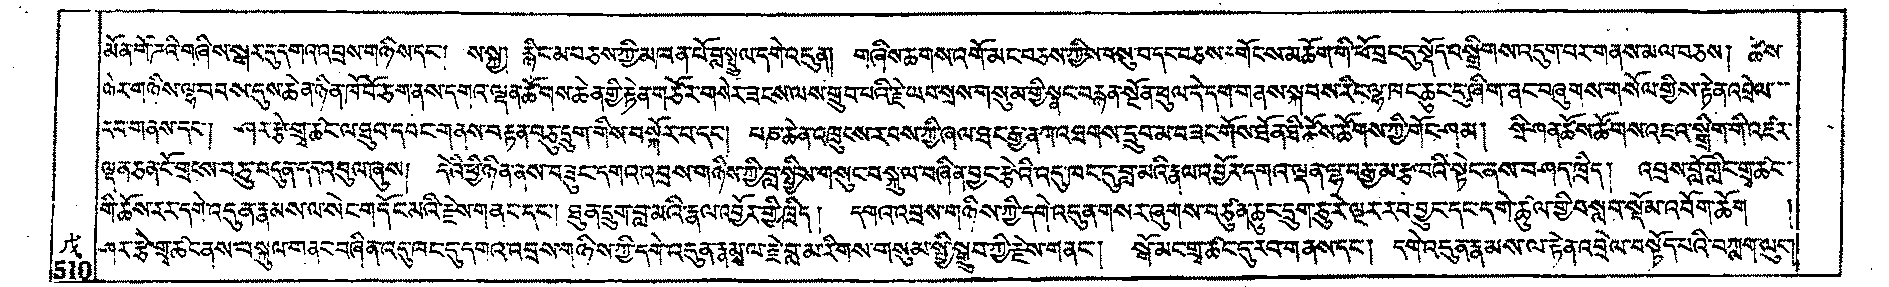མོན་གོ་ཌའི་གཞིས་སྒར་དུ་དགའ་འབྲས་གཉིས་དང་། ས་སྐྱ། རྙིང་མ་བཅས་ཀྱི་མཁན་པོ་བླ་སྤྲུལ་དགེ་འདུན། གཞིས་ཆགས་འགོ་མང་བཅས་ཀྱིས་བསུ་བ་དང་བཅས་༧གོང་ས་མཆོག་གི་ཕོ་བྲང་དུ་སྡོད་བསྒྲིགས་འདུག་པར་གནས་མལ་བཅས། ཚེས་
ཉེར་གཉིས་ལྷ་བབས་དུས་ཆེན་ཉིན་ཁོ་བོ་ཅག་ནས་དགའ་ལྡན་ཚོགས་ཆེན་གྱི་རྟེན་གཙོར་གསེར་ཟངས་ལས་གྲུབ་པའི་རྗེ་ཡབ་སྲས་གསུམ་གྱི་སྣང་བརྙན་སྔོན་ཕུལ་དེ་དག་གནས་སྐབས་རིང་ལྷ་ཁང་ཆུང་དུ་ཞིག་ནང་བཞུགས་གསོལ་གྱིས་རྟེན་འབྲེལ་
རབ་གནས་དང་། ཤར་རྩེ་གྲྭ་ཚང་ལ་ཐུབ་དབང་གནས་བརྟན་བཅུ་དྲུག་གིས་བསྐོར་བ་དང་། པཎ་ཆེན་འཁྲུངས་རབ་ཀྱི་ཞལ་ཐང་རྒྱ་ནག་འཐགས་དྲུབ་མ་བཟང་གོས་ཐོན་ཐི་ཚོས་ཚོགས་ཀྱི་གོང་ཤམ། སྲི་ཤན་ཚོས་ཚོགས་འཇའ་སྒྲིག་གི་འཛར་
ལྡན་ཅན་ངོ་གྲངས་བཅུ་བདུན་དད་འབུལ་ཞུས། དེའི་ཕྱི་ཉིན་ནས་བཟུང་དགའ་འབྲས་གཉིས་ཀྱི་བླ་སྤྱིས་གསུང་བསྐུལ་བཞིན་བྱང་རྩེའི་འདུ་ཁང་དུ་བླ་མའི་རྣལ་འབྱོར་དགའ་ལྡན་ལྷ་བརྒྱ་མ་རྩ་བའི་སྟེང་ནས་བཤད་ཁྲིད། འབྲས་བློ་གླིང་གྲྭ་ཚང་
གི་ཆོས་རར་དགེ་འདུན་རྣམས་ལ་སེང་གདོང་མའི་རྗེས་གནང་དང་། ཐུན་དྲུག་བླ་མའི་རྣལ་འབྱོར་གྱི་ཁྲིད། དགའ་འབྲས་གཉིས་ཀྱི་དགེ་འདུན་གསར་ཞུགས་བཙུན་ཆུང་དྲུག་ཅུ་རེ་ལྔར་རབ་བྱུང་དང་དགེ་ཚུལ་གྱི་བསླབ་སྡོམ་འབོག་ཆོག །
ཤར་རྩེ་གྲྭ་ཚང་ནས་བསྐུལ་གནང་བཞིན་འདུ་ཁང་དུ་དགའ་འབྲས་གཉིས་ཀྱི་དགེ་འདུན་རྣམས་ལ་རྗེ་བླ་མ་རིགས་གསུམ་སྤྱི་སྒྲུབ་ཀྱི་རྗེས་གནང་། སྒོ་མང་གྲྭ་ཚང་དུ་རབ་གནས་དང་། དགེ་འདུན་རྣམས་ལ་རྟེན་འབྲེལ་བསྟོད་པའི་བཀླག་ལུང་།